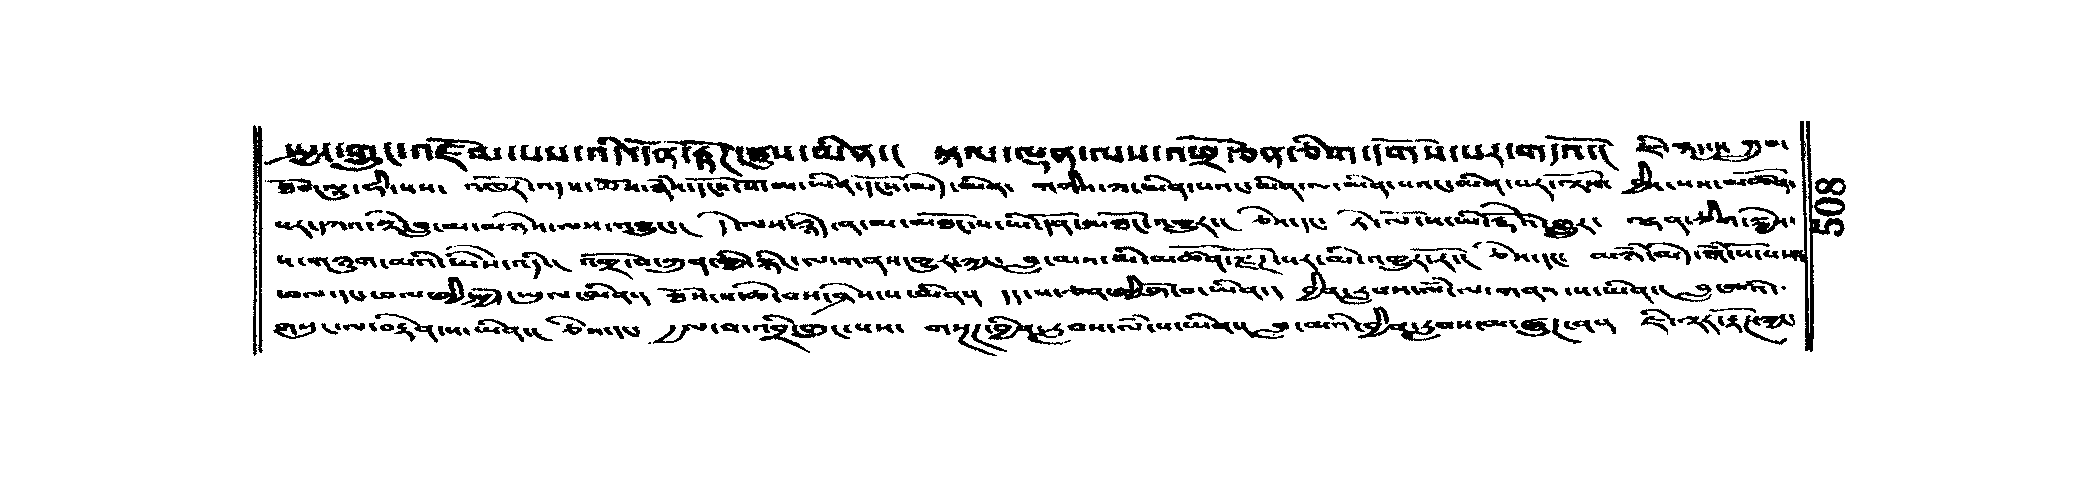།སྤྱང་གྲུང་འཛོམ་པས་འདི་དོན་རྟོགས་ནུས་མིན། སྐལ་ལྡན་ལས་འཕྲོ་ཅན་གཅིག་དགོས་པར་གདའོ། ཇི་སྐད་དུ། གྲུབ་
ཐོབ་ལཱུ་ཧི་པས། འཁོར་འདས་ཆོས་རྣམས་དངོས་པོ་མ་ཡིན་དངོས་མེད་མིན། །གཉིས་ཀ་ཡིན་པའང་མིན་ལ་མིན་པའང་མིན་པར་ལྟོས། །བྱིས་པས་མཚོན་
པར་དཀའ་སྟེ་བླ་མ་མཉེས་ལས་འབྱུང་། །དེ་ལས་རྙེད་ན་མ་མཐོང་པ་ཡི་དོན་མཐོང་འགྱུར། ཅེས་དང་། ཏེ་ལོ་པ་ཡི་རྡོ་རྗེའི་གླུར། ལྷན་ཅིག་སྐྱེས་
པ་གཉུག་མའི་ཡེ་ཤེས་འདི། །འགྲོ་བ་ཀུན་གྱི་སྙིང་ལ་གནས་གྱུར་ཀྱང་། །བླ་མས་མི་མཚོན་རྫོགས་པར་མི་འགྱུར་རོ། ཞེས་དང་། མཉམ་མེད་སྒམ་པོ་པས། 
ཕལ་དང་ཕལ་གྱི་སྤྱོད་ཡུལ་མིན། །ཐོས་པ་ཆེ་བས་ཤེས་པ་མིན། །དད་པ་ཅན་གྱི་གོ་བ་ཡིན། །བྱིན་རླབས་ལམ་ལ་གནས་པ་ཡིན། །བླ་མའི་
གསུང་ལ་བརྟེན་པ་ཡིན། ཅེས་དང་། རྒྱལ་བ་འབྲི་གུང་པས། གསང་སྔགས་བྱིན་རླབས་ལམ་པ་ཡིན། །བླ་མའི་བྱིན་རླབས་མ་ཞུགས་ན། །ཇི་ལྟར་རྟོགས་ཀྱང་